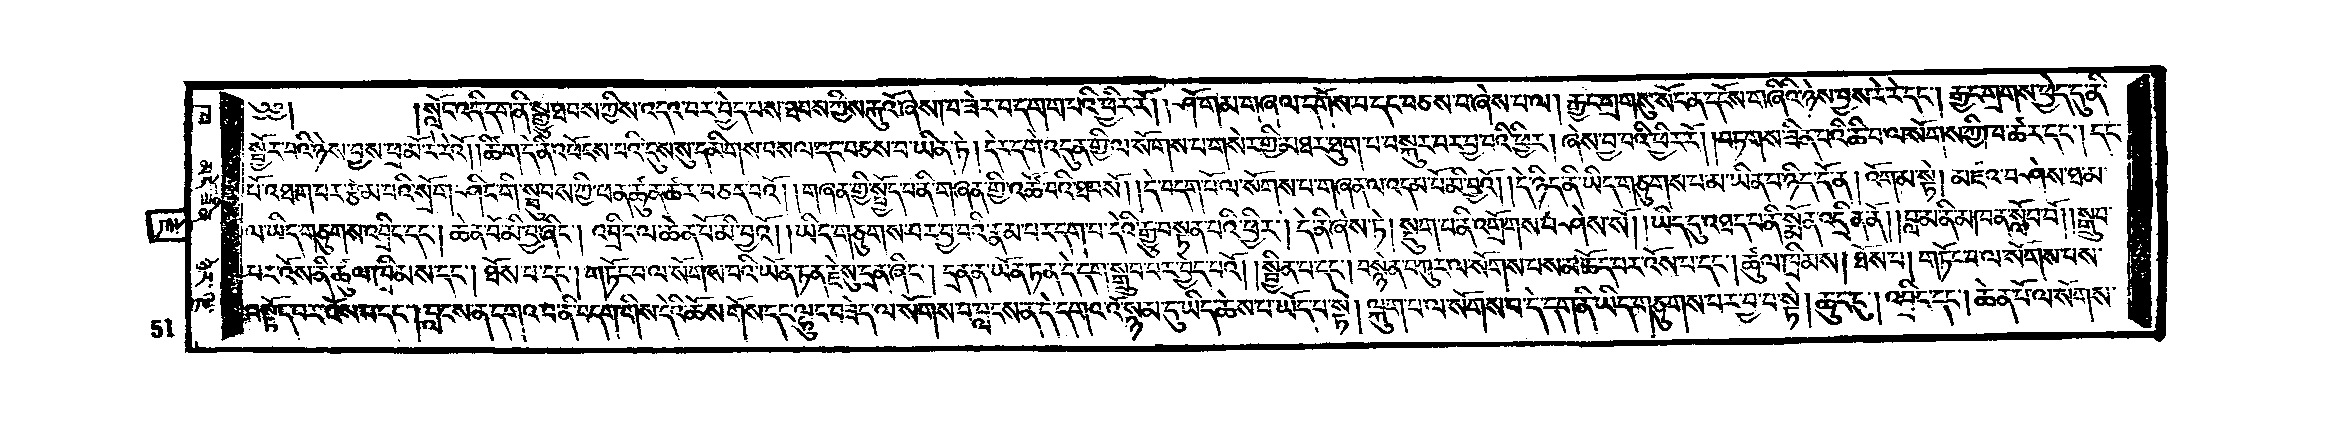༄༅། །སློང་འདི་དག་ནི་སྒྱུ་ཐབས་ཀྱིས་འདའ་བར་བྱེད་པས་ཐབས་ཀྱིས་རྐུའོ་ཞེས་ཁ་ཟེར་བ་དགག་པའི་ཕྱིར་རོ། །ཤོ་གམ་གཞལ་དགོས་པ་དང་བཅས་པ་ཞེས་པ་ལ། རྒྱང་གྲགས་སུ་སོང་ན་དངོས་གཞིའི་ཉེས་བྱས་རེ་རེ་དང་། རྒྱང་གྲགས་ཕྱེད་དུ་ནི་
སྦྱོར་བའི་ཉེས་བྱས་ཕྲ་མོ་རེ་རེའོ། །ཚིག་དེ་ནི་འཕོངས་པའི་དུས་སུ་དམིགས་བསལ་དང་བཅས་པ་ཡིན་ཏེ། དེར་དགེ་འདུན་གྱི་ལ་སོགས་པ་གསེར་གྱི་མཐར་ཐུག་པ་བསྐུར་བར་བྱ་བའི་ཕྱིར། ཞེས་བྱ་བའི་ཕྱིར་རོ། །བཏགས་ཟིན་པའི་ཆི་བ་ལ་སོགས་ཀྱི་ཁ་ཚར་དང་། དང་
པོ་འཐག་པར་རྩོམ་པའི་སྲོག་ཤིང་གི་སྦུབས་ཀྱི་ཕན་ཚུན་ཚར་བཅད་པའོ། །གཞན་གྱི་སྤྱོད་པ་ནི་གཞན་གྱི་འཚོ་བའི་ཐབས་སོ། །དེ་བདག་པོ་ལ་སོགས་པ་གཞན་ལ་འདམ་པོ་མི་བྱའོ། །དེ་ཉིད་ནི་ཡིད་གཅུགས་པ་མ་ཡིན་པ་ཉིད་དོ་ན། འོག་མ་སྟེ། མཛའ་བཤེས་ཐ་མ་
ལ་ཡིད་གཅུགས་འབྲིང་དང་། ཆེན་པོ་མི་བྱ་ཞིང་། འབྲིང་ལ་ཆེན་པོ་མི་བྱའོ། །ཡིད་གཅུགས་པར་བྱ་བའི་རྣམ་པར་དག་པ་དེའི་རྒྱུ་བསྟན་པའི་ཕྱིར། དེ་ནི་ཞེས་ཏེ། སྡུག་པ་ནི་འགྲོགས་བཤེས་སོ། །ཡིད་དུ་འཐད་པ་ནི་སྨོན་འདྲིན་ནོ། །བླ་མ་ནི་མཁན་སློབ་བོ། །སྒྲུབ་
པར་འོས་ནི་ཚུལ་ཁྲིམས་དང་། ཐོས་པ་དང་། གཏོང་བ་ལ་སོགས་པའི་ཡོན་ཏན་རྗེས་སུ་དྲན་ཞིང་། དྲན་ན་ཡོན་ཏན་དེ་དག་སྒྲུབ་པར་བྱེད་པའོ། །སྦྱིན་པ་དང་། བསྙེན་བཀུར་ལ་སོགས་པས་མཆོད་པར་འོས་པ་དང་། ཚུལ་ཁྲིམས། ཐོས་པ། གཏོང་བ་ལ་སོགས་པས་
བསྟོད་པར་འོས་པ་དང་། བླངས་ན་དགའ་བ་ནི་བདག་གིས་དེའི་ཆོས་གོས་དང་ལྷུང་བཟེད་ལ་སོགས་པ་བླངས་ན་དེ་དགའ་འོ་སྙམ་དུ་ཡིད་ཆེས་པ་ཡོད་པ་སྟེ། ལྐུག་པ་ལ་སོགས་པ་དེ་དག་ནི་ཡིད་གཅུགས་པར་བྱ་བ་སྟེ། ཆུང་ངུ། འབྲིང་དང་། ཆེན་པོ་ལ་སོགས་